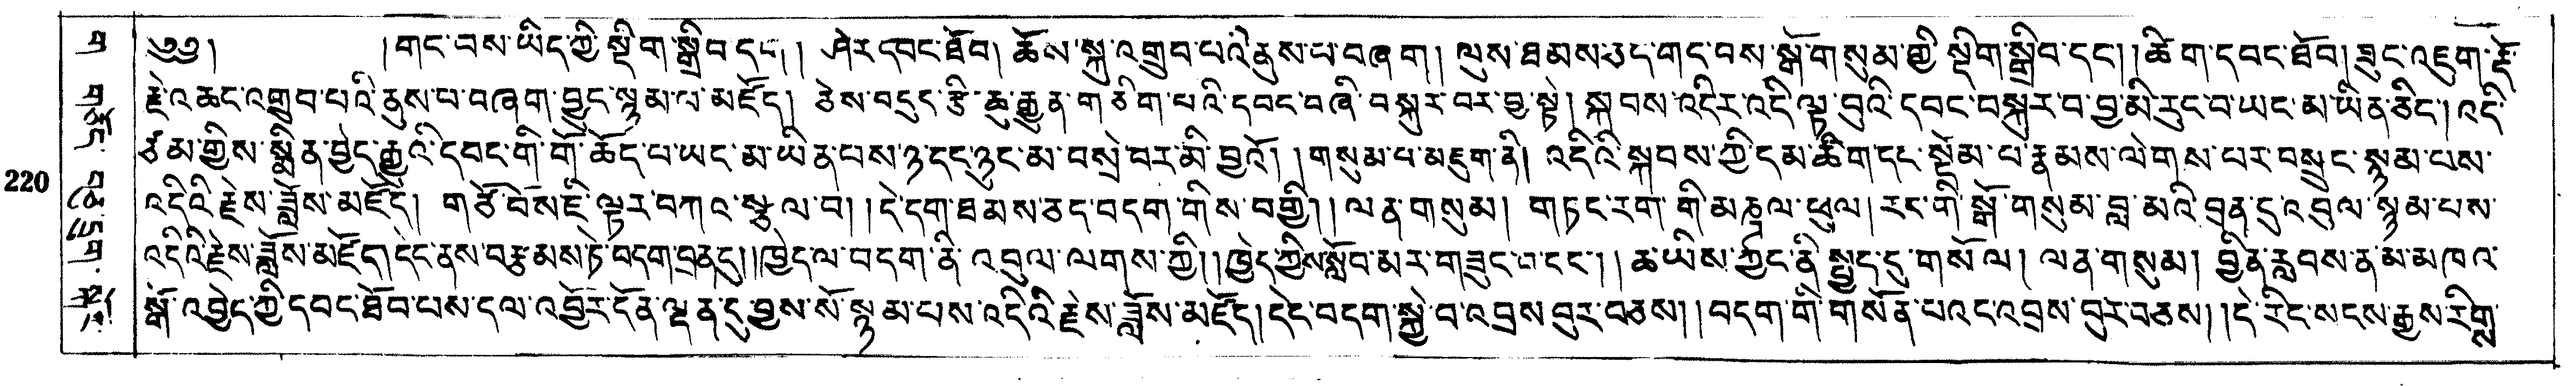༄༅། །གང་བས་ཡིད་ཀྱི་སྡིག་སྒྲིབ་དག །ཤེར་དབང་ཐོབ། ཆོས་སྐུ་འགྲུབ་པའི་ནུས་པ་བཞག །ལུས་ཐམས་ཅད་གང་བས་སྒོ་གསུམ་གྱི་སྡིག་སྒྲིབ་དང་། །ཚིག་དབང་ཐོབ། ཟུང་འཇུག་རྡོ་
རྗེ་འཚང་འགྲུབ་པའི་ནུས་པ་བཞག་བྱུང་སྙམ་པ་མཛོད། ཅེས་བདུད་རྩི་ཆུ་རྒྱུན་གཅིག་པའི་དབང་བཞི་བསྐུར་བར་བྱ་སྟེ། སྐབས་འདིར་འདི་ལྟ་བུའི་དབང་བསྐུར་བ་བྱ་མི་རུང་བ་ཡང་མ་ཡིན་ཅིང་། འདི་
ཙམ་གྱིས་སྨིན་བྱེད་རྒྱུའི་དབང་གི་གོ་ཆོད་པ་ཡང་མ་ཡིན་པས་ཉ་དང་ཉུང་མ་བསྲེ་བར་མི་བྱའོ། །གསུམ་པ་མཇུག་ནི། འདིའི་སྐབས་ཀྱི་དམ་ཚིག་དང་སྡོམ་པ་རྣམས་ལེགས་པར་བསྲུང་སྙམ་པས་
འདིའི་རྗེས་ཟློས་མཛོད། གཙོ་བས་ཇི་ལྟར་བཀའ་སྩལ་བ། །དེ་དག་ཐམས་ཅད་བདག་གིས་བགྱི། །ལན་གསུམ། བཏང་རག་གི་མཎྜལ་ཕུལ། རང་གི་སྒོ་གསུམ་བླ་མའི་བྲན་དུ་འབུལ་སྙམ་པས་
འདིའི་རྗེས་ཟློས་མཛོད། དེང་ནས་བརྩམས་ཏེ་བདག་བྲན་དུ། །ཁྱེད་ལ་བདག་ནི་འབུལ་ལགས་ཀྱི། །ཁྱེད་ཀྱིས་སློབ་མར་གཟུང་བ་དང་། །ཆ་ཡིས་ཀྱང་ནི་སྤྱད་དུ་གསོལ། ལན་གསུམ། བྱིན་རླབས་ནམ་མཁའ་
སྒོ་འབྱེད་ཀྱི་དབང་ཐོབ་པས་དལ་འབྱོར་དོན་ལྡན་དུ་བྱས་སོ་སྙམ་པས་འདིའི་རྗེས་ཟློས་མཛོད། དེང་བདག་སྐྱེ་བ་འབྲས་བུར་བཅས། །བདག་གི་གསོན་པའང་འབྲས་བུར་བཅས། །དེ་རིང་སངས་རྒྱས་རིགས་